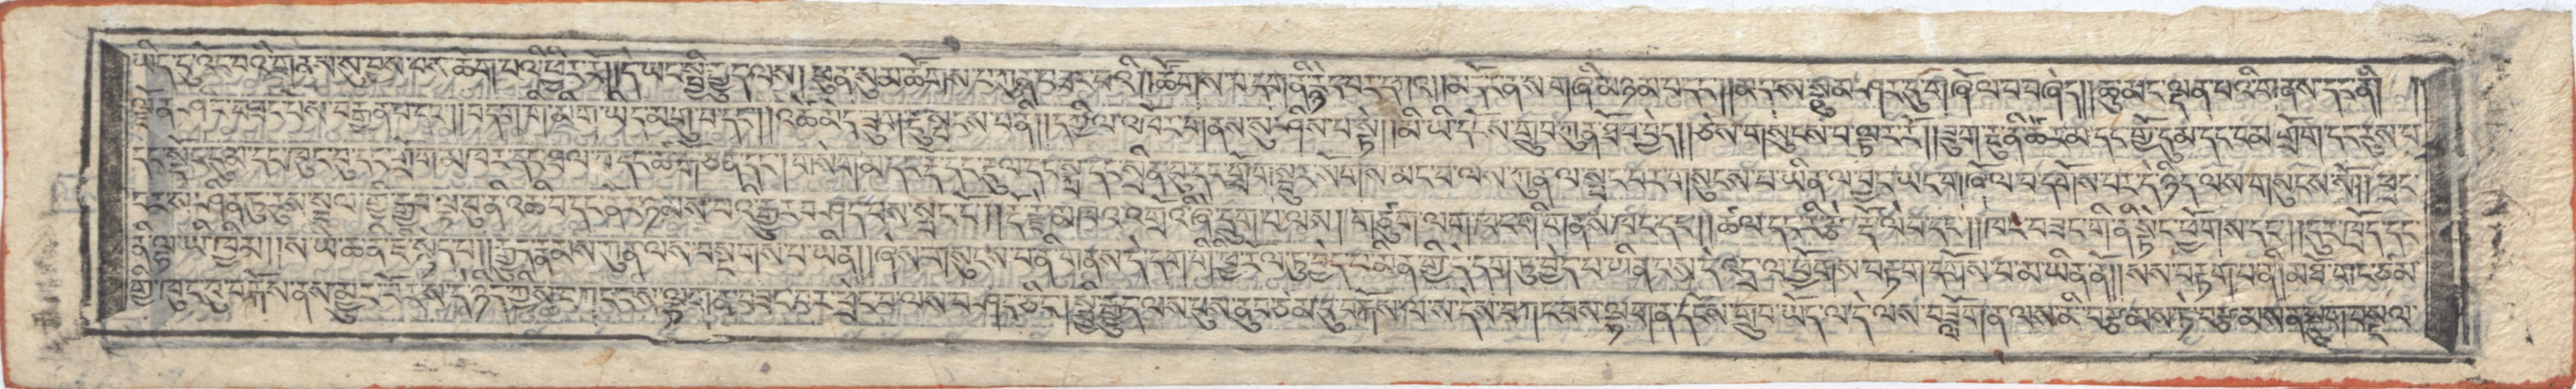ཡིད་དུ་འོང་བའི་གནས་སུ་བྱས་པས་ཆོག་པའི་ཕྱིར་རོ། །དེ་ཡང་སྤྱི་རྒྱུད་ལས། ཕུན་སུམ་ཚོགས་པ་ཀུན་བཟང་བའི། །ཚོགས་པ་དག་ནི་རྙེད་པར་དཀའ། །མདོར་ན་ས་གཞི་མཉམ་པ་དང་། །མདངས་སྣུམ་ཤར་དུ་གཞོལ་བ་བཞེད། །ཆུ་མང་ལྡན་པའི་གནས་དང་ནི། །
ལྗོན་ཤིང་བཟང་པོས་བརྒྱན་པ་དང་། །བདག་གི་མིག་ཡིད་མགུ་བ་དང་། །འཚེ་མེད་ཟུག་རྡུ་སྤངས་པ་ནི། །དཀྱིལ་འཁོར་གནས་སུ་ཤིས་པ་སྟེ། །མི་ཡི་དངོས་གྲུབ་ཀུན་ཐོབ་བྱེད། །ཅེས་གསུངས་པ་ལྟར་རོ། །ཟུག་རྡུ་ནི་ཚེར་མ་དང་གྱོ་དུམ་དང་ངམ་གྲོག་དང་རུས་པ་
དང་སྡོང་དུམ་དང་ཁུང་བུ་དང་གྲོག་མཁར་དང་ཐལ་བ་དང་ཚ་རྒོ་ཅན་དང་། གསེག་མ་དང་རྡོ་དང་རྡུལ་དང་སྐྲ་དང་སྲིན་བུ་དང་གྲོག་སྦུར་སོགས་མང་བ་ལས་ཀུན་ལ་སྤང་བར་གསུངས་པ་ཡིན་ལ་བྱང་ཡང་གཞོལ་བ་དགོས་པར་དེ་ཉིད་ལས་གསུངས་སོ། །ཕྲེང་
བར་ས་ཤིན་ཏུ་རུས་སྦལ་གྱི་རྒྱབ་ལྟ་བུ་ནི་འཆི་བ་དང་ནོར་ཉམས་པའི་རྒྱུར་བཤད་པས་སྤང་ངོ། །རྡོ་རྗེ་མཁའ་འགྲོའི་ཞེ་དྲུག་པ་ལས། གཙུག་ལག་ཁང་གི་གནས་ཁང་དང་། །ཚལ་དང་རི་རྩེ་རྡོ་ལེབ་དང་། །ཁང་བཟང་གི་ནི་སྟེང་ཕྱོགས་དང་། །དུར་ཁྲོད་དང་
ནི་ལྷ་ཡི་ཁྱིམ། །ས་ཡི་ཆ་ནི་ཇི་སྙེད་པ། །རྒྱུད་རྣམས་ཀུན་ལས་བསྔགས་པ་ཡིན། །ཞེས་གསུངས་པ་ནི་གནས་དེ་དག་གི་ཕྱི་རོལ་ཏུ་བྱེད་པ་མིན་གྱི་དེ་དག་ཏུ་བྱེད་པ་ཡིན་པས་དེ་འདྲ་ལ་ཕྱོགས་བརྟག་དགོས་པ་མ་ཡིན་ནོ། །སས་བརྟག་པ་ནི། མཐོ་གང་ཙམ་
གྱི་ཁུང་བུ་བརྐོས་ནས་མྱུར་པོར་ས་དེ་ཉིད་ཀྱིས་བཀང་བས་ལྷག་ན་བཟང་བར་ཕྲེང་བ་ལས་བཤད་ཅིང་། སྤྱི་རྒྱུད་ལས་པུས་ནུབ་ཙམ་དུ་བརྐོས་ལ་ས་དེས་བཀང་བས་ལྷག་ན་དངོས་གྲུབ་ཡོད་ལ་དེ་ལས་བཟློག་ན་ལས་མི་བརྩམས་ཏེ་བརྩམས་ན་སྡུག་བསྔལ་